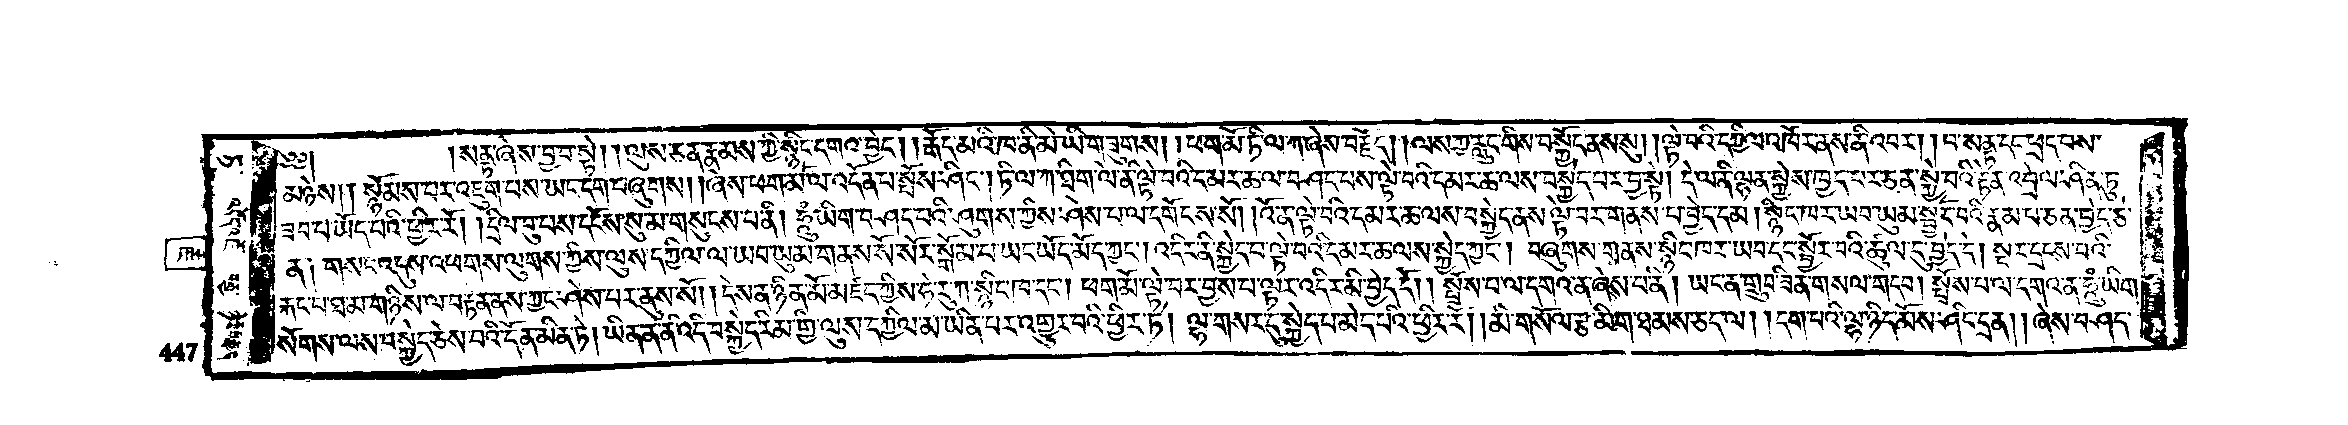༄༅། །སནྟ་ཞེས་བྱ་བ་སྟེ། །ལུས་ཅན་རྣམས་ཀྱི་སྙིང་དགའ་བྱེད། །རྒོད་མའི་ཁ་ནི་མེ་ཡི་གཟུགས། །ཕག་མོ་ཏི་ལ་ཀ་ཞེས་བརྗོད། །ལས་ཀྱི་རླུང་གིས་བསྐྱོད་ནས་སུ། །ལྟེ་བའི་དཀྱིལ་འཁོར་ནས་ནི་འབར། །བ་སནྟ་དང་ཕྲད་པས་
མཉེས། །སྙོམས་པར་འཇུག་པས་ཡང་དག་བཞུགས། །ཞེས་ཕག་མོ་ལ་འདོན་པ་སྤོས་ཤིང་། ཏི་ལ་ཀ་ཐིག་ལེ་ནི་ལྟེ་བའི་དམར་ཆ་ལ་བཤད་པས་ལྟེ་བའི་དམར་ཆ་ལས་བསྐྱེད་པར་བྱ་སྟེ། དེ་ལ་ནི་ལྷན་སྐྱེས་ཁྱད་པར་ཅན་སྐྱེ་བའི་རྟེན་འབྲེལ་ཤིན་ཏུ་
ཟབ་པ་ཡོད་པའི་ཕྱིར་རོ། །དྲིལ་བུ་པས་དངོས་སུ་མ་གསུངས་པ་ནི། ཧཱུཾ་ཡིག་བཤད་པའི་ཤུགས་ཀྱིས་ཤེས་པ་ལ་དགོངས་སོ། །འོ་ན་ལྟེ་བའི་དམར་ཆ་ལས་བསྐྱེད་ནས་ལྟེ་བར་གནས་པ་བྱེད་དམ། སྙིང་ཁར་ཡབ་ཡུམ་སྦྱོར་བའི་རྣམ་པ་ཅན་བྱེད་ཅེ་
ན། གསང་འདུས་འཕགས་ལུགས་ཀྱིས་ལུས་དཀྱིལ་ལ་ཡབ་ཡུམ་གནས་སོ་སོར་སྒོམ་པ་ཡང་ཡོད་མོད་ཀྱང་། འདིར་ནི་སྐྱེད་པ་ལྟེ་བའི་དམར་ཆ་ལས་སྐྱེད་ཀྱང་། བཞུགས་གནས་སྙིང་ཁར་ཡབ་དང་སྦྱོར་བའི་ཚུལ་དུ་བྱེད་དེ། སྔར་དྲངས་པའི་
རྐང་པ་ཐ་མ་གཉིས་ལ་བརྟེན་ནས་ཀྱང་ཤེས་པར་ནུས་སོ། །དེས་ན་ཉིན་མོ་མཛད་ཀྱིས་ཧེ་རུ་ཀ་སྙིང་ཁ་དང་། ཕག་མོ་ལྟེ་བར་བྱས་པ་ལྟར་འདིར་མི་བྱེད་དོ། །སྤྲོས་པ་ལ་དགའ་ན་ཞེས་པ་ནི། ཡང་ན་གྲུབ་ཟིན་གསལ་གདབ། སྤྲོས་པ་ལ་དགའ་ན་ཧཱུཾ་ཡིག་
སོགས་ལས་བསྐྱེད་ཅེས་པའི་དོན་མིན་ཏེ། ཡིན་ན་ནི་འདི་བསྐྱེད་རིམ་གྱི་ལུས་དཀྱིལ་མ་ཡིན་པར་འགྱུར་བའི་ཕྱིར་ཏེ། ལྷ་གསར་དུ་སྐྱེད་པ་མེད་པའི་ཕྱིར་རོ། །མི་གསོལ་རྩ་མིག་ཐམས་ཅད་ལ། །དག་པའི་ལྷ་ཉིད་མོས་ཤིང་དྲན། །ཞེས་བཤད་